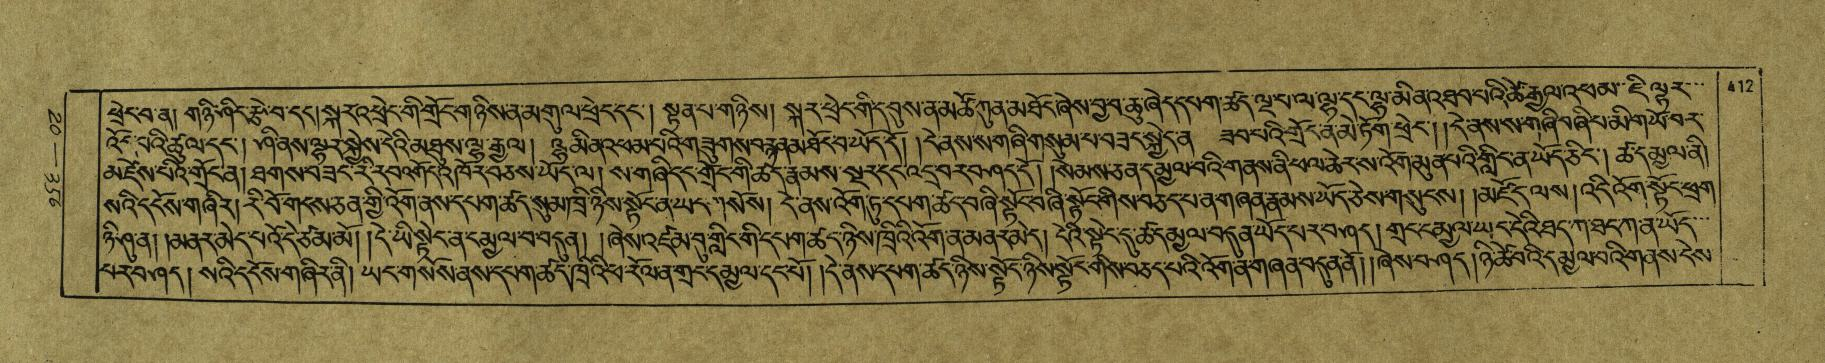ཕྲེང་བ་ན། གཉི་ཤིང་རྩེ་བ་དང་། སྐར་འཕྲེང་གི་གྲོང་གཉིས་ན་མགུལ་ཕྲེང་དང་། སྟན་པ་གཉིས། སྐར་ཕྲེང་གི་དབུས་ན་མཚོ་ཀུན་མཐོང་ཞེས་བྱ་བ་ཆུ་ཞེད་དཔག་ཚད་ལྔ་པ་ལ་ལྷ་དང་ལྷ་མིན་འཐབ་པའི་ཚེ་རྒྱལ་འཕམ་ཇི་ལྟར་
འོད་པའི་ཚུལ་དང་། ཤི་ནས་ལྷར་སྐྱེས་དེའི་མཐུས་ལྷ་རྒྱལ། ལྷ་མིན་འཕམ་པའི་གཟུགས་བརྙན་མཐོང་བ་ཡོད་དོ། །དེ་ནས་ས་གཞི་གསུམ་པ་བཟང་སྐྱེད་ན། ཟབ་པའི་གྲོང་ན་མེ་ཏོག་ཕྲེང་། །དེ་ནས་ས་གཞི་བཞི་པ་མི་གཡོ་བར་
མཛེས་པའི་གྲོང་ན། ཐགས་བཟང་རི་རབ་འགོད་འཁོར་བཅས་ཡོད་ལ། ས་གཞི་དང་གྲོང་གི་ཚད་རྣམས་སྔར་དང་འདྲ་བར་བཤད་དོ། །སེམས་ཅན་དམྱལ་བའི་གནས་ནི་ཕལ་ཆེར་ས་འོག་མུན་པའི་གླིང་ན་ཡོད་ཅིང་། ཚ་དམྱལ་ནི།
སའི་དངོས་གཞིར། རི་བོ་གངས་ཅན་གྱི་འོག་ནས་དཔག་ཚད་སུམ་ཁྲི་ཉིས་སྟོང་ན་ཡང་གསོས། དེ་ནས་འགོ་ཏུ་དཔག་ཚད་བཞི་སྟོང་བཞི་སྟོང་བཞི་སྟོང་གིས་བཅད་པ་ན་གཞན་རྣམས་ཡོད་ཅེས་གསུངས། །མཛོད་ལས། འདི་འོག་སྟོང་ཕྲག་
ཉི་ཤུ་ན། །མནར་མེད་པའོ་དེ་ཙམ་མོ། །དེ་ཡི་སྟེང་ན་དམྱལ་བ་བདུན། །ཞེས་འཛམ་བུ་གླིང་གི་དཔག་ཚད་ཉིས་ཁྲིའི་འོག་ན་མནར་མེད། དེའི་སྟེང་དུ་ཚ་དམྱལ་བདུན་ཡོད་པར་བཤད། གྲང་དམྱལ་ཡང་དེའི་ཐད་ཀ་ཐང་ཀ་ན་ཡོད་
པར་བཤད། སའི་དངོས་གཞིར་ནི། ཡང་གསོས་ནས་དཔག་ཚད་ཁྲིའི་ཕ་རོལ་ན་གྲང་དམྱལ་དང་པོ། །དེ་ནས་དཔག་ཚད་ཉིས་སྟོང་ཉིས་སྟོང་གིས་བཅད་པའི་འོག་ན་གཞན་བདུན་ནོ། །ཞེས་བཤད། ཉི་ཚེ་བའི་དམྱལ་བའི་གནས་ངེས་